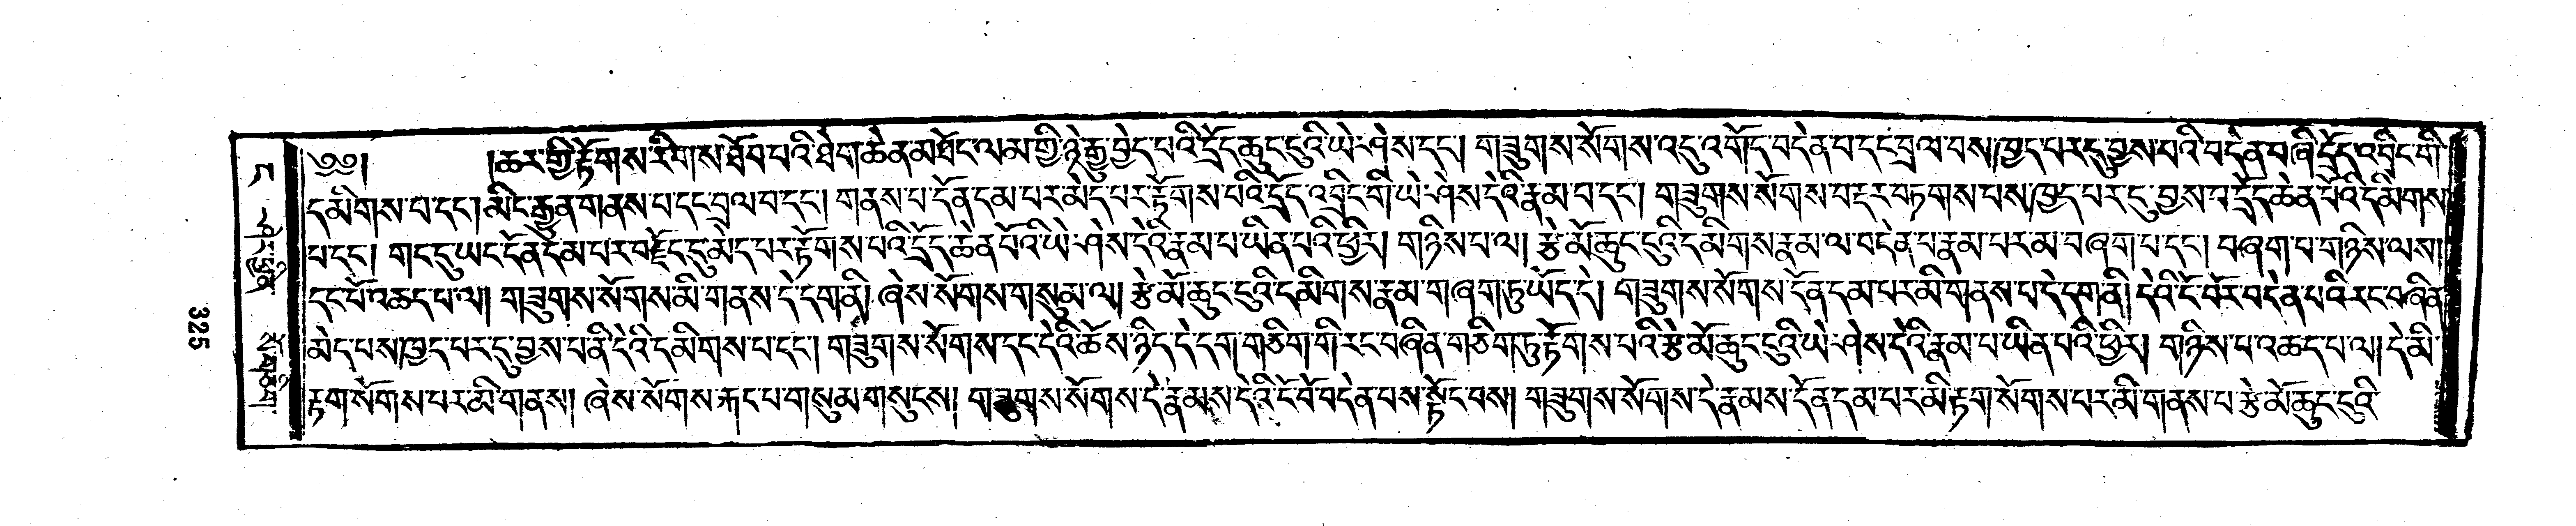༄༅། །ཆར་གྱི་རྟོགས་རིགས་ཐོབ་པའི་ཐེག་ཆེན་མཐོང་ལམ་གྱི་ཉེ་རྒྱུ་བྱེད་པའི་དྲོད་ཆུང་ངུའི་ཡེ་ཤེས་དང་། གཟུགས་སོགས་འདུ་འགོད་བདེན་པ་དང་བྲལ་བས་ཁྱད་པར་དུ་བྱས་པའི་བདེན་བཞི་དྲོད་འབྲིང་གི་
དམིགས་པ་དང་། མིང་རྒྱུན་གནས་པ་དང་བྲལ་བ་དང་། གནས་པ་དོན་དམ་པར་མེད་པར་རྟོགས་པའི་དྲོད་འབྲིང་གི་ཡེ་ཤེས་དེའི་རྣམ་པ་དང་། གཟུགས་སོགས་བརྡར་བཏགས་པས་ཁྱད་པར་དུ་བྱས་པ་དྲོད་ཆེན་པོའི་དམིགས་
པ་དང་། གང་དུ་ཡང་དོན་དམ་པར་བརྗོད་དུ་མེད་པར་རྟོགས་པའི་དྲོད་ཆེན་པོའི་ཡེ་ཤེས་དེའི་རྣམ་པ་ཡིན་པའི་ཕྱིར། གཉིས་པ་ལ། རྩེ་མོ་ཆུང་ངུའི་དམིགས་རྣམ་ལ་བདེན་པ་རྣམ་པར་མ་བཞག་པ་དང་། བཞག་པ་གཉིས་ལས།
དང་པོ་འཆད་པ་ལ། གཟུགས་སོགས་མི་གནས་དེ་དག་ནི། ཞེས་སོགས་གསུམ་ལ། རྩེ་མོ་ཆུང་ངུའི་དམིགས་རྣམ་གཞག་ཏུ་ཡོད་དེ། གཟུགས་སོགས་དོན་དམ་པར་མི་གནས་པ་དེ་དག་ནི། དེའི་ངོ་བོར་བདེན་པའི་རང་བཞིན་
མེད་པས་ཁྱད་པར་དུ་བྱས་པ་ནི་དེའི་དམིགས་པ་དང་། གཟུགས་སོགས་དང་དེའི་ཆོས་ཉིད་དེ་དག་གཅིག་གི་རང་བཞིན་གཅིག་ཏུ་རྟོགས་པའི་རྩེ་མོ་ཆུང་ངུའི་ཡེ་ཤེས་དེའི་རྣམ་པ་ཡིན་པའི་ཕྱིར། གཉིས་པ་འཆད་པ་ལ། དེ་མི་
རྟག་སོགས་པར་མི་གནས། ཞེས་སོགས་རྐང་པ་གསུམ་གསུངས། གཟུགས་སོགས་དེ་རྣམས་དེའི་ངོ་བོ་བདེན་པས་སྟོང་བས། གཟུགས་སོགས་དེ་རྣམས་དོན་དམ་པར་མི་རྟག་སོགས་པར་མི་གནས་པ་རྩེ་མོ་ཆུང་ངུའི་